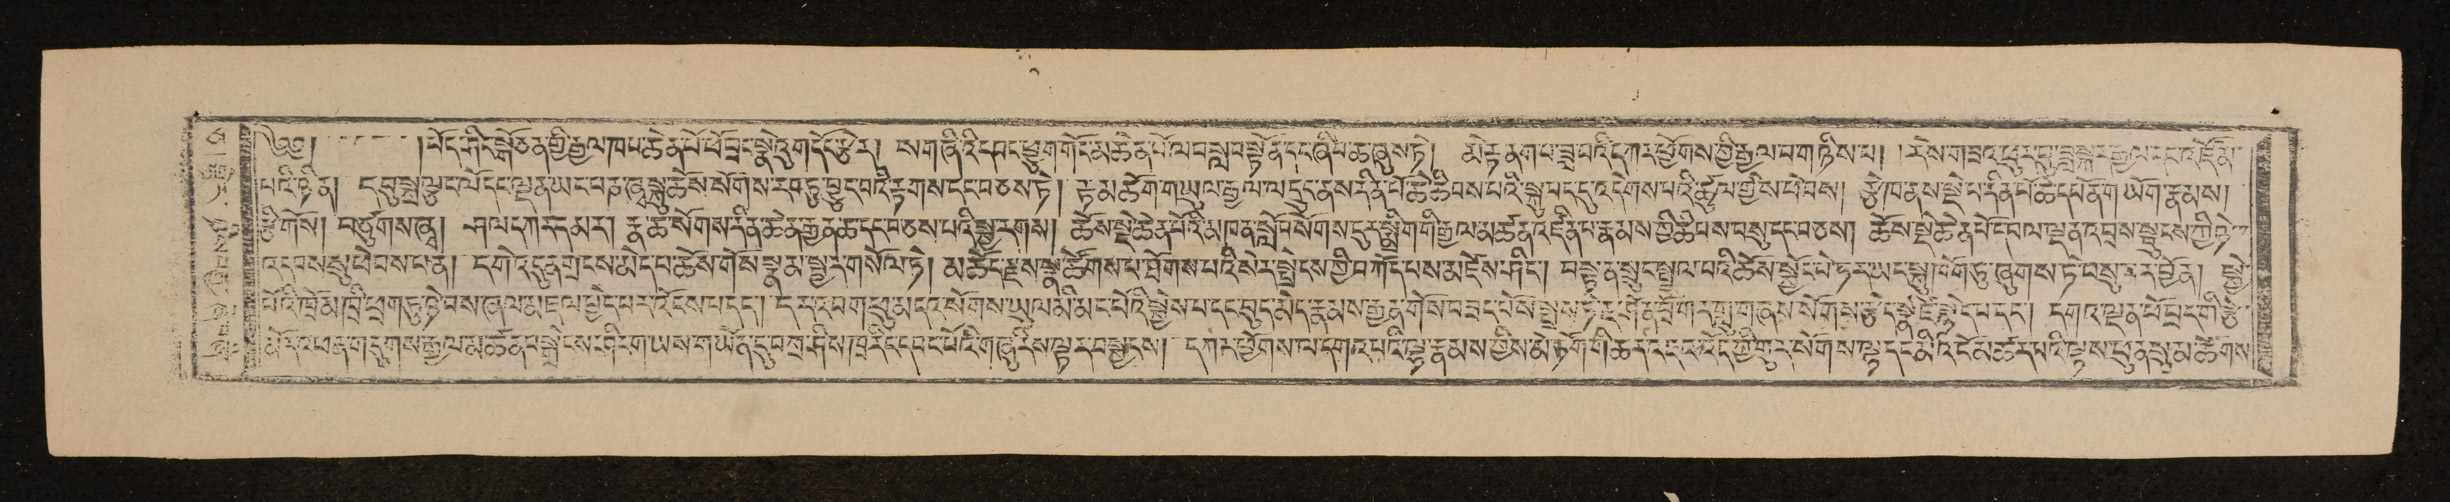༄༅། །བོད་ཤིང་སྒོ་ཅན་གྱི་རྒྱལ་ཁབ་ཆེན་པོ་ཕོ་བྲང་སྣེའུ་གདོང་རྩེར། ས་གཞིའི་དབང་ཕྱུག་གོང་མ་ཆེན་པོ་ལ་བསླབ་སྟོན་དང་ཞེབ་ཆ་ཞུས་ཏེ། མེ་རྟ་ནག་པ་ཟླ་བའི་དཀར་ཕྱོགས་ཀྱི་རྒྱལ་བ་གཉིས་པ། རེས་གཟའ་ཕུར་བུ་ཟླ་སྐར་རྒྱལ་དང་འཛོམ་
པའི་ཉིན། དབུ་སྐྲ་ལྕང་ལོ་དང་ལྡན་ཡང་པ། ཞྭ་སྐུ་ཆོས་སོགས་རབ་ཏུ་བྱུང་བའི་རྟགས་དང་བཅས་ཏེ། རྟ་མཆོག་གཡུལ་རྒྱལ་ལ་དྲུང་ནས་རིན་པོ་ཆེ་ཆིབས་པའི་སྐུ་བང་དུ་འདེགས་པའི་ཚུལ་གྱིས་ཕེབས། རྩེ་ཁ་ནས་སྡེ་པ་རིན་པོ་ཆེ་དོན་གཡོག་རྣམས།
རྩི་གོས། བཙུགས་ཞྭ། ཤལ་དཀར་དམར། རྣ་ཆ་སོགས་རིན་ཆེན་རྒྱན་ཆ་དང་བཅས་པའི་སྐྱ་རགས། ཆོས་སྡེ་ཆེན་པོའི་མཁན་སློབ་སོགས་ངུར་སྨྲིག་གི་རྒྱལ་མཚན་འཛིན་པ་རྣམས་ཀྱི་ཆིབས་བསུ་དང་བཅས། ཆོས་སྡེ་ཆེན་པོ་དཔལ་ལྡན་འབྲས་སྤུངས་ཀྱི་ཉེ་
འདབས་སུ་ཕེབས་པ་ན། དགེ་འདུན་གྲངས་མེད་པ་ཆོས་གོས་སྣམ་སྦྱར་གསོལ་ཏེ། མཆོད་རྫས་སྣ་ཚོགས་པ་ཐོགས་པའི་སེར་སྤྲེངས་ཀྱི་བཀོད་པས་མཛེས་ཤིང་། བསྟན་སྲུང་སྤྲུལ་པའི་ཆོས་སྐྱོང་པེ་ཧར་ཡང་སྐུ་ཁོག་ཏུ་ཞུགས་ཏེ་བསུ་བར་བྱོན་སྐྱེ་
པོའི་ཁྲོམ་ཁྲི་ཕྲག་ཏུ་ཉེ་བས་ཞལ་མཇལ་བྱེད་པར་འོངས་པ་དང་། དར་འབག་ཕུ་མདའ་སོགས་ཡུལ་མི་མང་པོའི་སྐྱེས་པ་དང་བུད་མེད་རྣམས་རྒྱན་གོས་བཟང་པོས་སྤྲས་ཏེ་རྔ་ཤོན་བྲོ་གར་གླུ་གཞས་སོགས་རྩེད་སྣ་ཇི་སྙེད་པ་དང་། དགའ་ལྡན་ཕོ་བྲང་གི་རྩེ་
མོར་འཕན་གདུགས་རྒྱལ་མཚན་བསྒྲེངས་ཤིང་གཡས་གཡོན་དུ་བཀྲ་ཤིས་ཁྲ་རིང་དབང་པོའི་གཞུ་རིས་ལྟར་བསྐྱངས། དཀར་ཕྱོགས་ལ་དགའ་བའི་ལྷ་རྣམས་ཀྱིས་མེ་ཏོག་གི་ཆར་འཇའ་འོད་ཀྱི་གུར་སོགས་ལྷ་དང་མིའི་ངོ་མཚར་བའི་ལྟས་ཕུན་སུམ་ཚོགས་